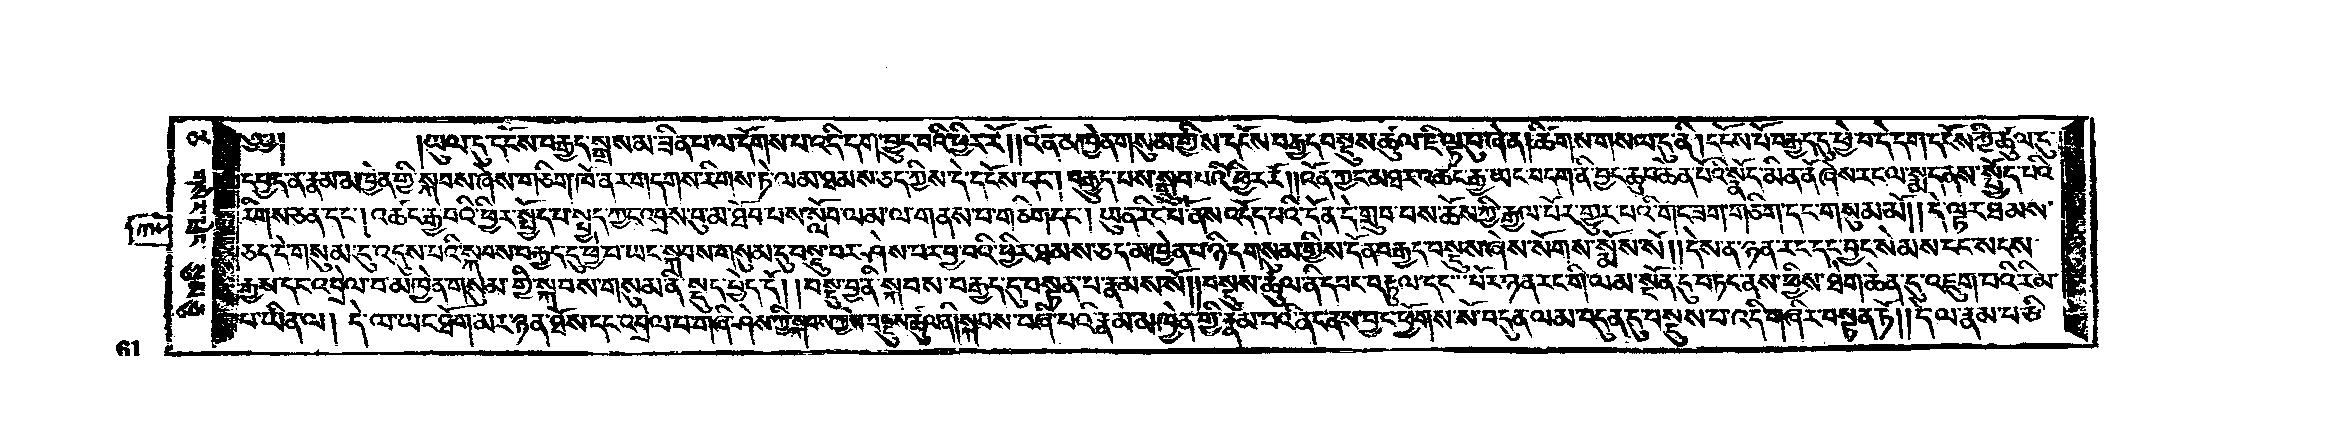༄༅། །ཡུལ་དུ་དངོས་བརྒྱད་སྒྲས་མ་ཟིན་པ་ལ་དོགས་པ་འདི་དག་བྱུང་བའི་ཕྱིར་རོ། །འོ་ན་མཁྱེན་གསུམ་གྱིས་དངོས་བརྒྱད་བསྡུས་ཚུལ་ཇི་ལྟ་བུ་ཞེ་ན། ཚིགས་གསལ་དུ་ནི། དངོས་པོ་བརྒྱད་དུ་ཕྱེ་བ་དེ་དག་དངོས་ཀྱི་ཚུལ་དུ་
དཔྱད་ན་རྣམ་མཁྱེན་གྱི་སྐབས་ཞེས་གཅིག་ཁོ་ནར་གདགས་རིགས་ཏེ་ལམ་ཐམས་ཅད་ཀྱིས་དེ་དངོས་དང་། བརྒྱུད་པས་སྒྲུབ་པའི་ཕྱིར་རོ། །འོན་ཀྱང་མཐར་འཚང་རྒྱ་ཡང་བདག་ནི་བྱང་ཆུབ་ཆེན་པོའི་སྣོད་མིན་ནོ་ཞེས་རང་ལ་སྨད་ནས་སྤྱོད་པའི་
རིགས་ཅན་དང་། འཚང་རྒྱ་བའི་ཕྱིར་སྤྱོད་པ་སྤྱད་ཀྱང་འབྲས་བུ་མ་ཐོབ་པས་སློབ་ལམ་ལ་གནས་པ་གཅིག་དང་། ཡུན་རིང་པོ་ནས་འདོད་པའི་དོན་དེ་གྲུབ་པས་ཆོས་ཀྱི་རྒྱལ་པོར་གྱུར་པའི་གང་ཟག་གཅིག་དང་གསུམ་མོ། །དེ་ལྟར་ཐམས་
ཅད་དེ་གསུམ་དུ་འདུས་པའི་སྐབས་བརྒྱད་དུ་ཕྱེ་བ་ཡང་སྐབས་གསུམ་དུ་བསྡུ་བར་ཤེས་པར་བྱ་བའི་ཕྱིར་ཐམས་ཅད་མཁྱེན་པ་ཉིད་གསུམ་གྱིས་དོན་བརྒྱད་བསྡུས་ཞེས་སོགས་སྨོས་སོ། །དེས་ན་ཉན་རང་དང་བྱང་སེམས་དང་སངས་
རྒྱས་དང་འབྲེལ་བ་མཁྱེན་གསུམ་གྱི་སྐབས་གསུམ་ནི་སྡུད་བྱེད་དོ། །བསྡུ་བྱ་ནི་སྐབས་བརྒྱད་དུ་བསྟན་པ་རྣམས་སོ། །བསྡུས་ཚུལ་ནི་དབང་བརྟུལ་དང་པོར་ཉན་རང་གི་ལམ་སྔོན་དུ་བཏང་ནས་ཕྱིས་ཐེག་ཆེན་དུ་འཇུག་པའི་རིམ་
པ་ཡིན་ལ། དེ་ལ་ཡང་ཐོག་མར་ཉན་ཐོས་དང་འབྲེལ་པ་གཞི་ཤེས་ཀྱི་སྐབས་ཀྱིས་བསྡུས་ཚུལ་ནི། སྐབས་བཞི་པའི་རྣམ་མཁྱེན་གྱི་རྣམ་པའི་ནང་ནས་བྱང་ཕྱོགས་སོ་བདུན་ལམ་བདུན་དུ་བསྡུས་པ་འདི་གཞིར་བསྟན་ཏོ། །དེ་ལ་རྣམ་པ་ཅི་